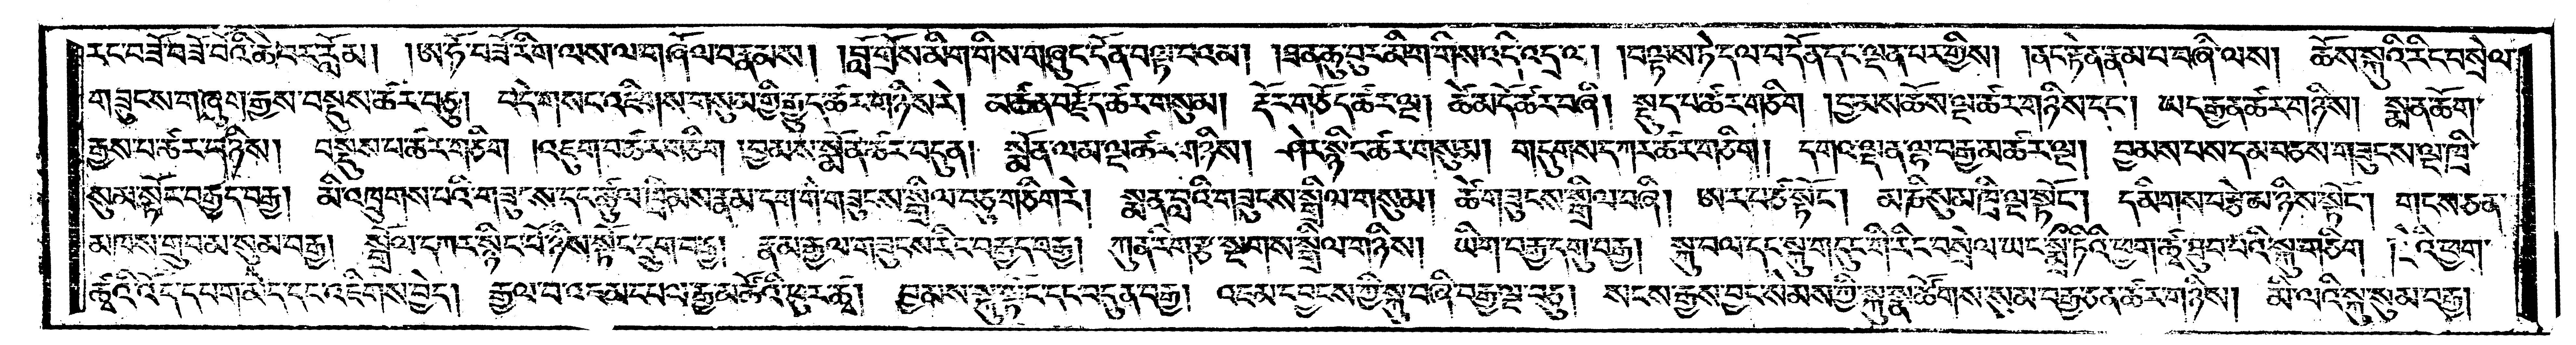རང་བཟོ་བཟོ་བའི་ཆེ་བར་རློམ། །ཨ་ཧོ་བཟོ་རིག་ལས་ལ་གཞོལ་བ་རྣམས། །བློ་གྲོས་མིག་གིས་གཞུང་དོན་བལྟ་བའམ། །ཐ་ན་ཆུ་བུར་མིག་གིས་འདི་འདྲ་ལ། །བལྟས་ཏེ་དལ་བ་དོན་དང་ལྡན་པར་གྱིས། །ནང་རྟེན་རྣམ་པ་བཞི་ལས། ཆོས་སྐུའི་རིང་བསྲེལ་
གཟུངས་གཞུག་རྒྱས་བསྡུས་ཚར་བཅུ། བདེ་གསང་འཇིགས་གསུམ་གྱི་རྒྱུད་ཚར་གཉིས་རེ། མཚན་བརྗོད་ཚར་གསུམ། རྡོར་གཅོད་ཚར་ལྔ། ཚེ་མདོ་ཚར་བཞི། སྡུད་པ་ཚར་གཅིག །བྱམས་ཆོས་ལྔ་ཚར་གཉིས་དང་། ཡང་རྒྱན་ཚར་གཉིས། སྨན་ཆོག་
རྒྱས་པར་ཚར་གཉིས། བསྡུས་པ་ཚར་གཅིག །འཇུག་པ་ཚར་གཅིག །བྱམས་སྨོན་ཚར་བདུན། སྨོན་ལམ་ལྔ་ཚར་གཉིས། ཤེར་སྙིང་ཚར་གསུམ། གདུགས་དཀར་ཚར་གཅིག །དགའ་ལྡན་ལྷ་བརྒྱ་མཚར་ལྔ། བྱམས་པས་དམ་བཅས་གཟུངས་ལྔ་ཁྲི་
སུམ་སྟོང་བརྒྱད་བརྒྱ། མི་འཁྲུགས་པའི་གཟུངས་དང་ཚུལ་ཁྲིམས་རྣམ་དག་གི་གཟུངས་སྒྲིལ་བཅུ་གཅིག་རེ། སྨན་བླའི་གཟུངས་སྒྲིལ་གསུམ། ཚེ་གཟུངས་སྒྲིལ་བཞི། ཨ་ར་པ་ཙ་སྟོང་། མ་ཎི་སུམ་ཁྲི་ལྔ་སྟོང་། དམིགས་བརྩེ་མ་ཉིས་སྟོང་། གངས་ཅན་
མཁས་གྲུབ་མ་སུམ་བརྒྱ། སྒྲོལ་དཀར་སྙིང་པོ་ཉིས་སྟོང་དྲུག་བརྒྱ། རྣམ་རྒྱལ་གཟུངས་རིང་བརྒྱད་བརྒྱ། ཀུན་རིག་རྩ་སྔགས་སྒྲིལ་གཉིས། ཡིག་བརྒྱ་དགུ་བརྒྱ། སྐུ་བ་ལ་དང་སྐུ་གདུང་གི་རིང་བསྲེལ་ཡང་སྨྲི་ཏིའི་ཕྱག་ཚྭ་ཐུབ་པའི་སྐུ་གཅིག །རྗེའི་ཕྱག་
ཚྭའི་འོད་དཔག་མེད་དང་འཇིགས་བྱེད། རྒྱལ་བ་འཇམ་དཔལ་རྒྱ་མཚོའི་ཕུར་ཚྭ། བྱམས་སྐུ་སྟོང་དང་བདུན་བརྒྱ། འཇམ་དབྱངས་ཀྱི་སྐུ་བཞི་བརྒྱ་ལྔ་བཅུ། སངས་རྒྱས་བྱང་སེམས་ཀྱི་སྐུ་སྣ་ཚོགས་སུམ་བརྒྱ་ཅན་ཚར་གཉིས། མི་ལའི་སྐུ་སུམ་བརྒྱ།